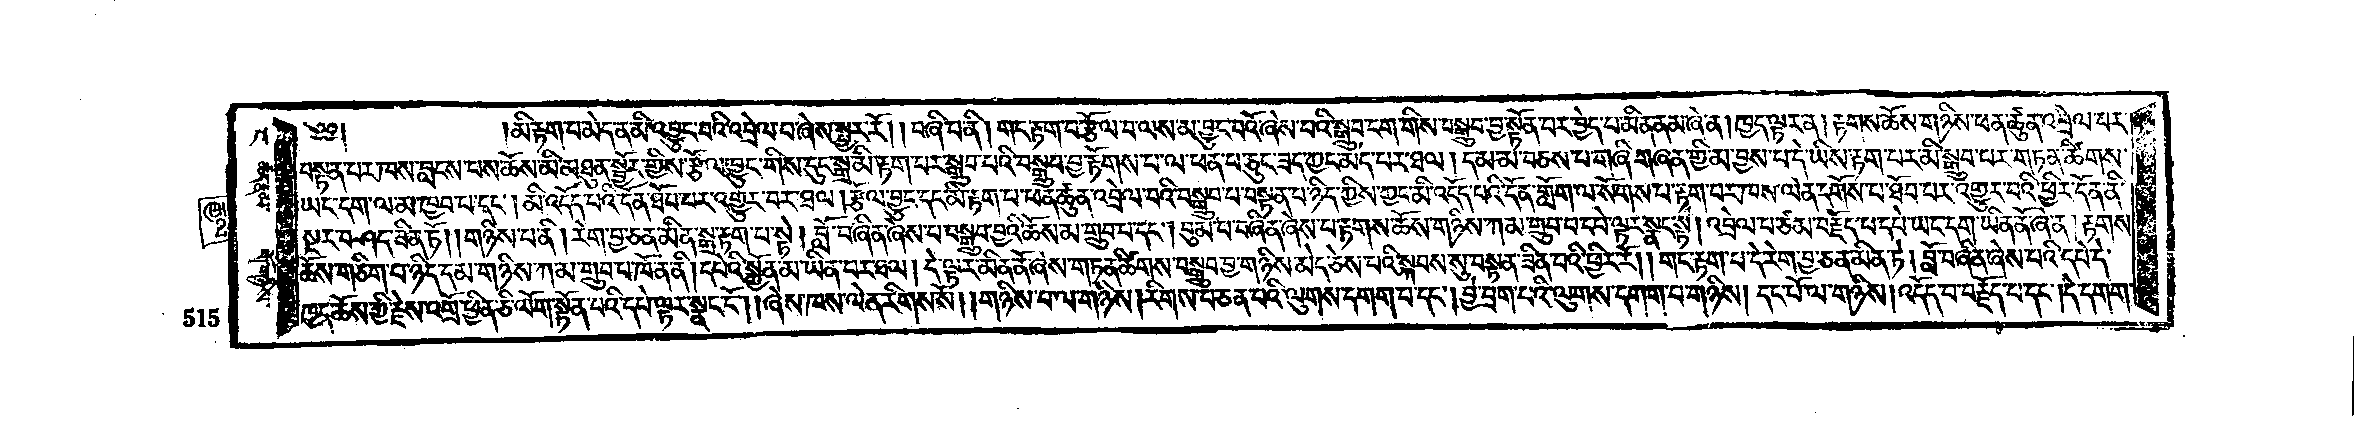༄༅། །མི་རྟག་པ་མེད་ན་མི་འབྱུང་བའི་འབྲེལ་པ་ཞེས་སྦྱར་རོ། །བཞི་པ་ནི། གང་རྟག་པ་རྩོལ་བ་ལས་མ་བྱུང་བའོ་ཞེས་པའི་སྒྲུབ་ངག་གིས་བསྒྲུབ་བྱ་སྟོན་པར་བྱེད་པ་མིན་ནམ་ཞེ་ན། ཁྱད་ལྟར་ན། རྟགས་ཆོས་གཉིས་ཕན་ཚུན་འབྲེལ་པར་
བསྟན་པར་ཁས་བླངས་པས་ཆོས་མི་མཐུན་སྦྱོར་གྱིས་རྩོལ་བྱུང་གིས་དུང་སྒྲ་མི་རྟག་པར་སྒྲུབ་པའི་བསྒྲུབ་བྱ་རྟོགས་པ་ལ་ཕན་པ་ཅུང་ཟད་ཀྱང་མེད་པར་ཐལ། དམ་མ་བཅས་པ་གཞི་གཞན་གྱི་མ་བྱས་པ་དེ་ཡིས་རྟག་པར་མི་སྒྲུབ་པར་གཏན་ཚིགས་
ཡང་དག་ལ་མ་ཁྱབ་པ་དང་། མི་འདོད་པའི་དོན་ཐོབ་པར་འགྱུར་བར་ཐལ། རྩོལ་བྱུང་དང་མི་རྟག་པ་ཕན་ཚུན་འབྲེལ་པའི་བསྒྲུབ་པ་བསྟན་པ་ཉིད་ཀྱིས་ཀྱང་མི་འདོད་པའི་དོན་གློག་ལ་སོགས་པ་རྟག་པར་ཁས་ལེན་དགོས་པ་ཐོབ་པར་འགྱུར་བའི་ཕྱིར་དོན་ནི་
སྔར་བཤད་ཟིན་ཏོ། །གཉིས་པ་ནི། རེག་བྱ་ཅན་མིན་སྒྲ་རྟག་པ་སྟེ། བློ་བཞིན་ཞེས་པ་བསྒྲུབ་བྱའི་ཆོས་མ་གྲུབ་པ་དང་། བུམ་པ་བཞིན་ཞེས་པ་རྟགས་ཆོས་གཉིས་ཀ་མ་གྲུབ་པ་དཔེ་ལྟར་སྣང་སྟེ། འབྲེལ་པ་ཙམ་བརྗོད་པ་དཔེ་ཡང་དག་ཡིན་ནོ་ཞེ་ན། རྟགས་
ཆོས་གཅིག་པ་ཉིད་དམ་གཉིས་ཀ་མ་གྲུབ་པ་ཁོ་ན་ནི། དཔེའི་སྐྱོན་མ་ཡིན་པར་ཐལ། དེ་ལྟར་མིན་ནོ་ཞེས་གཏན་ཚིགས་བསྒྲུབ་བྱ་གཉིས་མེད་ཅེས་པའི་སྐབས་སུ་བསྟན་ཟིན་པའི་པའི་ཕྱིར་རོ། །གང་རྟག་པ་དེ་རེག་བྱ་ཅན་མིན་ཏེ། བློ་བཞིན་ཞེས་པའི་དཔེ་དེ་
ཁྱད་ཆོས་ཀྱི་རྗེས་འགྲོ་ཕྱིན་ཅི་ལོག་སྟོན་པའི་དཔེ་ལྟར་སྣང་ངོ། །ཞེས་ཁས་ལེན་རིགས་སོ། །གཉིས་པ་ལ་གཉིས། རིགས་པ་ཅན་པའི་ལུགས་དགག་པ་དང་། བྱེ་བྲག་པའི་ལུགས་དགག་པ་གཉིས། དང་པོ་ལ་གཉིས། འདོད་པ་བརྗོད་པ་དང་། དེ་དགག་